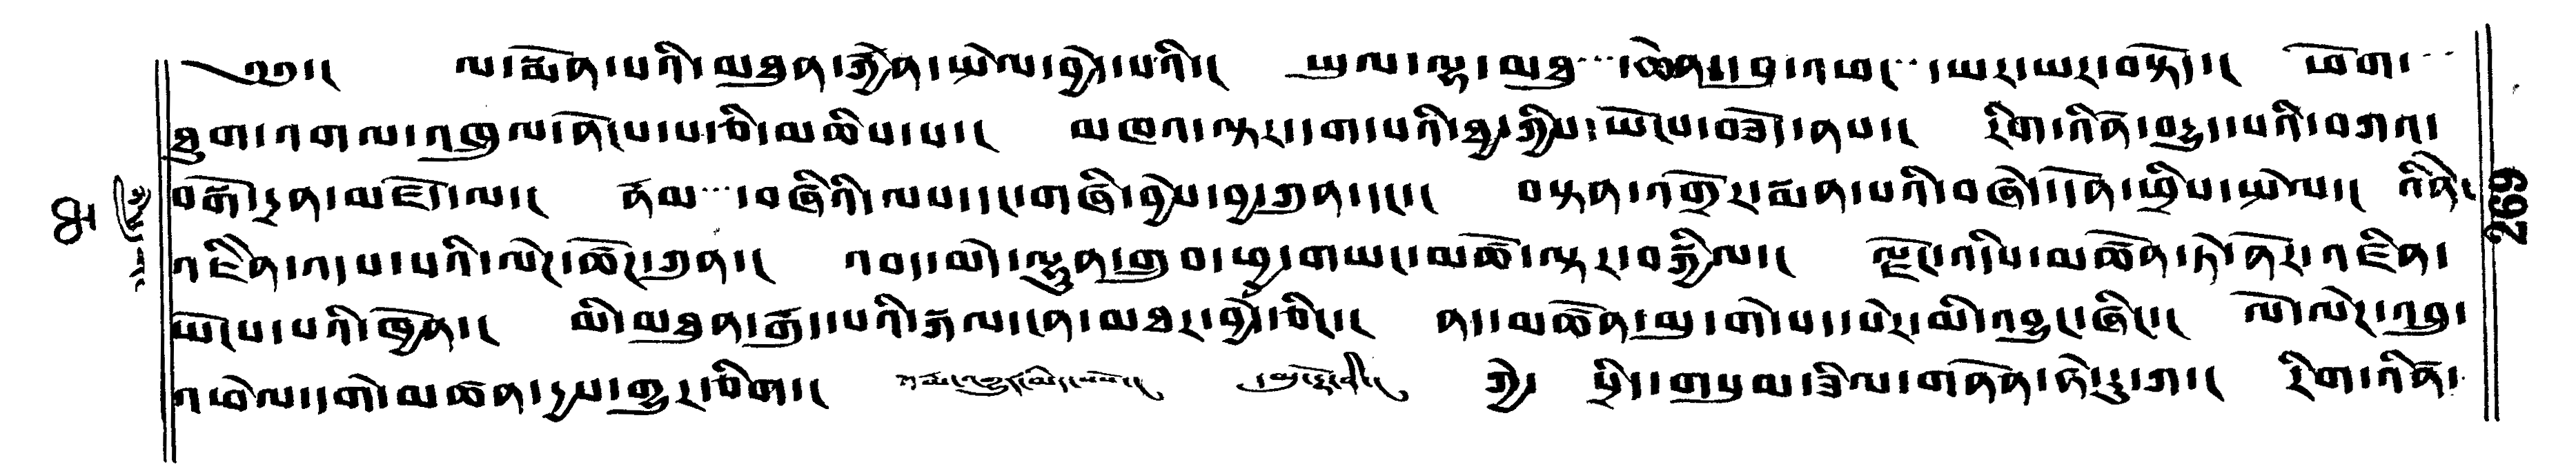ལ་སྨོན་པའི་མཐུན་རྐྱེན་སྤེལ་བྱེད་པའི། །ཡུལ་ལྷ་མཐུ་ཆེན་དབུ་འཕང་ཡར་ཡར་བསྟོད། །ཕོག་
ཐུག་འགལ་འཁྲུལ་ནོངས་པ་ཅི་མཆིས་པ། །མཁའ་ལྟར་དག་པའི་ཐུགས་ཀྱིས་ཡོངས་བཟོད་ནས། །རིག་འཛིན་བརྒྱུད་པའི་བཀའ་
བསྒོས་དྲན་མཛོད་ལ། །རྣམ་བཞིའི་ལས་དང་གཞིས་བྱེས་བྱ་ཀུན་དང་། །བསྟན་འགྲོར་སྨན་པའི་བཞེད་དོན་ཕྲིན་ལས་སྤེལ། །འཇིག་རྟེན་
འཇིག་རྟེན་འདས་པའི་ལེགས་ཚོགས་ཀུན། །འབད་མེད་ལྷུན་གྲུབ་ཕྱྭ་གཡང་མཚོ་ལྟར་བསྐྱིལ། །ལྗོངས་འདིས་མཚོན་ཏེ་ནོར་འཛིན་
ཡངས་པའི་ཁྱོན། །མི་མཐུན་རྒུད་པའི་སྐལ་ངན་མཐར་བྱེད་ཅིང་། །ནད་མཚོན་མུ་གེ་སད་སེར་མི་འབྱུང་ཞིང་། །ལོ་ལེགས་འབྲུ་
འཕེལ་དགེ་མཚན་རྒྱས་གྱུར་ཅིག ཀརྨ་འགྱུར་མེད་པས་སོ། དམུ་རྡོ་ནི། ཀྱཻ། སྲིད་གསུམ་ཟིལ་གནོན་ཧེ་རུ་ཀ